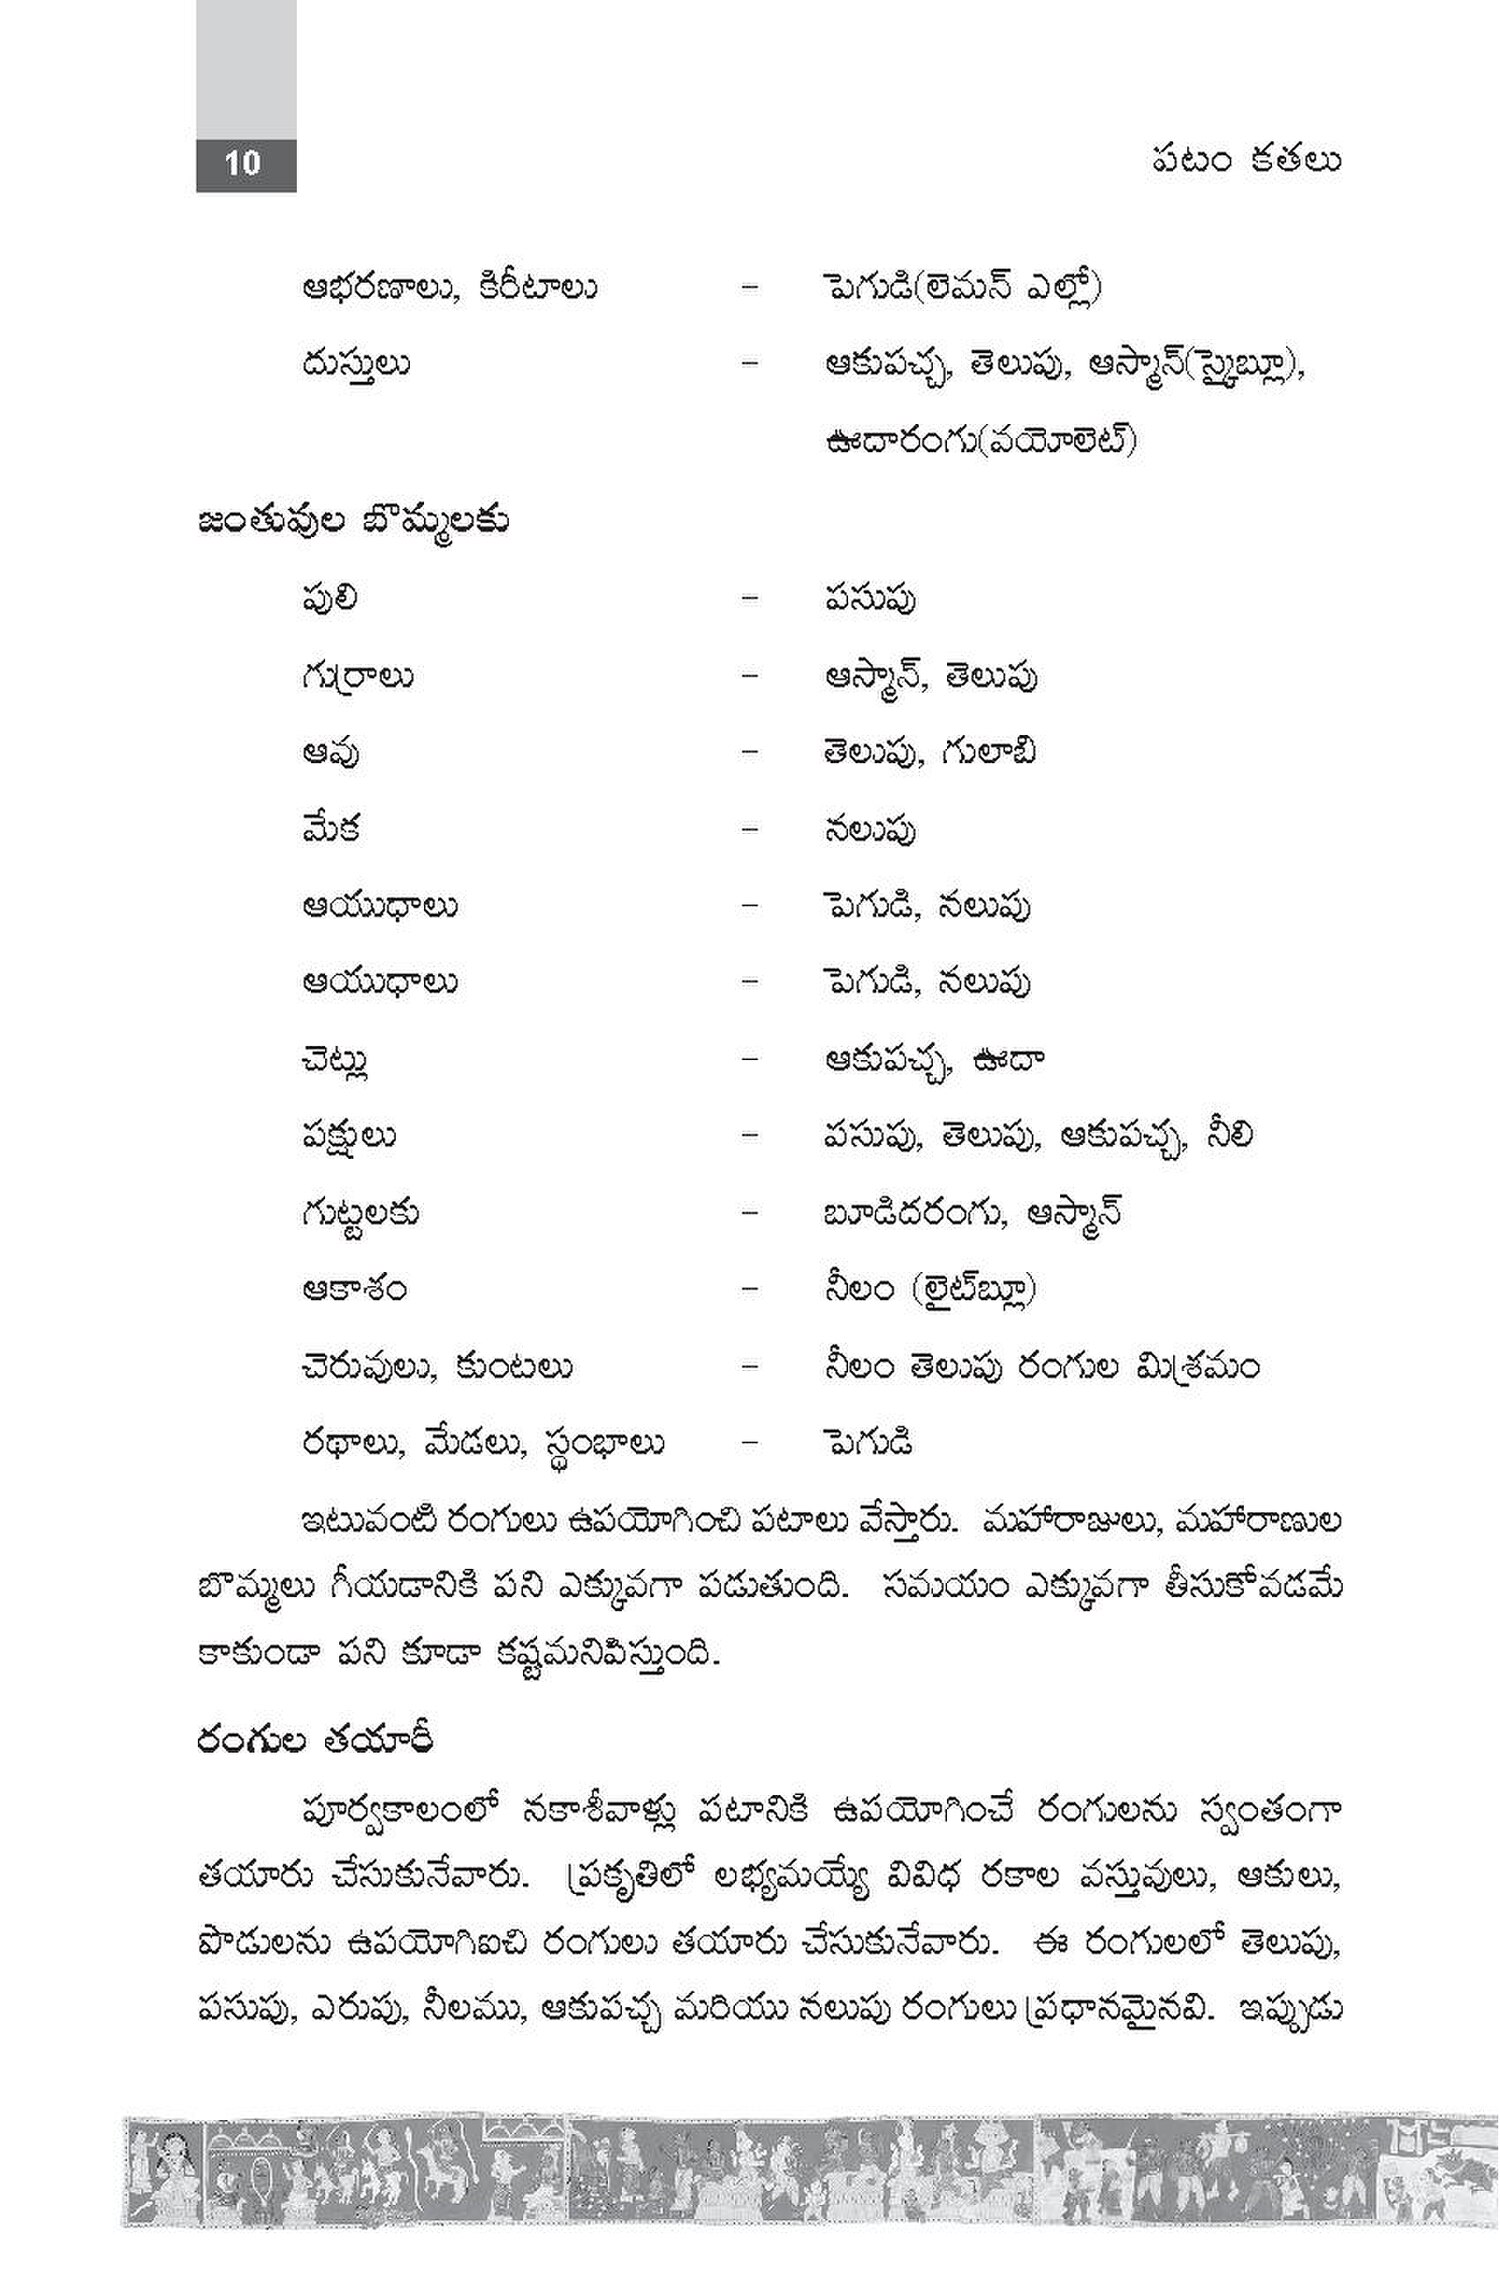+ కాళ్ళు, చేతులు, ముఖాలకు పసుపు, గులాబి ఆభరణాలు, కిరీటాలు పెగుడి(లెమన్ ఎల్లో) దుస్తులు ఆకుపచ్చ, తెలుపు, ఆస్మాన్(స్కైబ్లూ),ఊదారంగు (వయోలెట్)

జంతువుల బొమ్మలకు 
+ పులి పసుపు గుర్రాలు ఆస్మాన్, తెలుపు ఆవు తెలుపు, గులాబి మేక నలుపు ఆయుధాలు పెగుడి, నలుపు ఆయుధాలు పెగుడి, నలుపు చెట్లు ఆకుపచ్చ, ఉదా పక్షులు పసుపు, తెలుపు, ఆకుపచ్చ, నీలి గుట్టలకు బూడిదరంగు, ఆస్మాన్ ఆకాశం నీలం (లైట్ బ్లూ) చెరువులు, కుంటలు నీలం తెలుపు రంగుల మిశ్రమం రథాలు, మేడలు, స్థంభాలు పెగుడి
ఇటువంటి రంగులు ఉపయోగించి పటాలు వేస్తారు. మహారాజులు, మహారాణుల బొమ్మలు గీయడానికి పని ఎక్కువగా పడుతుంది. సమయం ఎక్కువగా తీసుకోవడమే కాకుండా పని కూడా కష్టమనిపిస్తుంది.

రంగుల తయారీ 

పూర్వకాలంలో నకాశీవాళ్లు పటానికి ఉపయోగించే రంగులను స్వంతంగా తయారు చేసుకునేవారు. ప్రకృతిలో లభ్యమయ్యే వివిధ రకాల వస్తువులు, ఆకులు, పొడులను ఉపయోగిఐచి రంగులు తయారు చేసుకునేవారు. ఈ రంగులలో తెలుపు, పసుపు, ఎరుపు, నీలము, ఆకుపచ్చ మరియు నలుపు రంగులు ప్రధానమైనవి. ఇప్పుడు